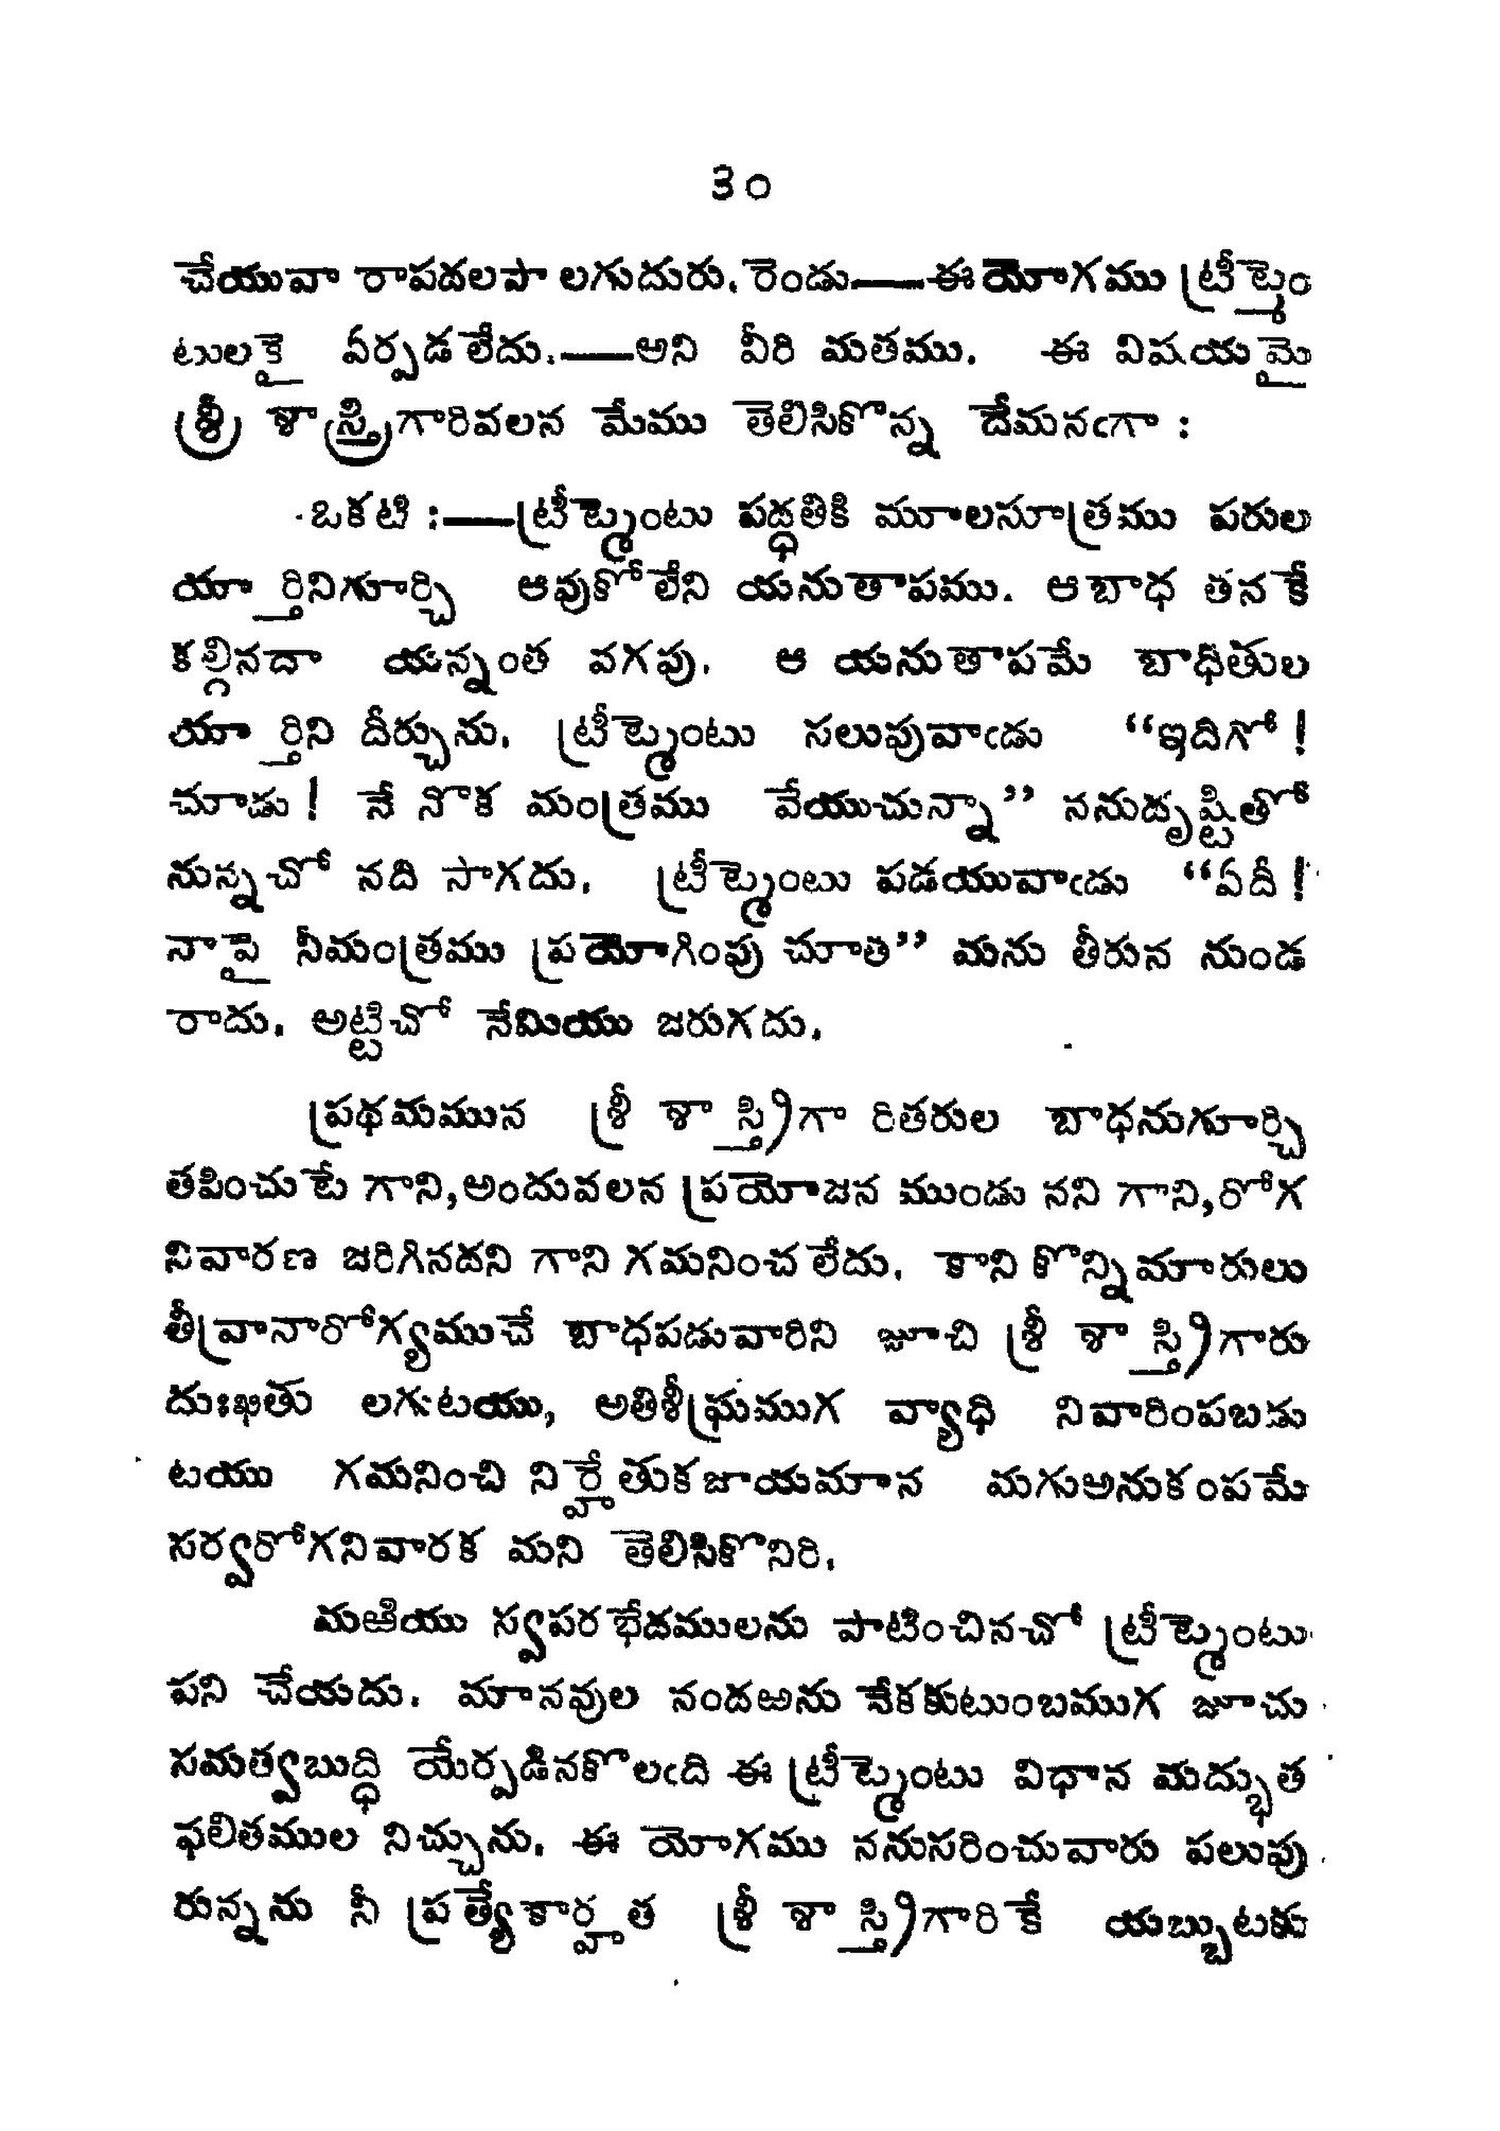చేయు వారాపదలపాలగుదురు. రెండు ఈ యోగముట్రీట్మెంటులకై ఏర్పడ లేదు అని వీరి మతము ఈ విషయమ్తె శ్రీ శాస్త్రిగారివలన మేము తెలిసికొన్న దేమనంగా:
 
ఒకటి: ట్రేట్మెంటు పద్దతికి మూలసూత్రము పరులయార్తినిగూర్చి ఆపుకోలేని యనుతాపము, ఆ బాధ తనకే కల్గినదా యన్నంత వగపు. ఆ యనుతాపము ఆ బాధ తనకే కల్గినదా యన్నంత వగపు. ఆ యనుతాపమే బాదితుల యార్తిని దిర్చును, ట్రీట్మెంటు సలుపువాడు "ఏది! నాప్తె నీమత్రంము ప్రయోగింపు చూత" మను తీరున నుండ రాదు. అట్టిచో నేమియు జరుగదు.

ప్రధమమున శ్రీ శాస్త్రిగా రితరుల బాధనుగూర్చి తపించుటేగాని, అందువలన ప్రయోజన ముండుననిగాని, రోగ నివారణ జరిగినదని గాని గమనించ లేదు. కాని కొన్ని మారులు తివ్రానారోగ్యముచే బాధపడువారిని జూచి శ్రీ శాస్త్రిగారు దుఃఖితు లగుటయు, అతిశిఘ్రముగా వ్యాధి నివారింపబడుటయు గమనించి నిర్హేతుక జాయమానమగు అనుకంపమే సర్వరోగనివారక మని తెలిసికొనిరి.

మఱియు స్వపరభేదములను పాటించినచో ట్రీట్మెంటు పని చేయదు. మానవుల నందఱను నేకకుటుంబముగా జూచు సమత్వబుద్ధి యేర్పడినకొలది ఈ ట్రీట్మెంటు విధాన మద్భుతఫలితముల నిచ్చును. ఈ యోగము ననుసరించువారు పలువురున్నను ని ప్రత్యేకార్హత శ్రీ శాస్త్రిగారికే యబ్బుటకు